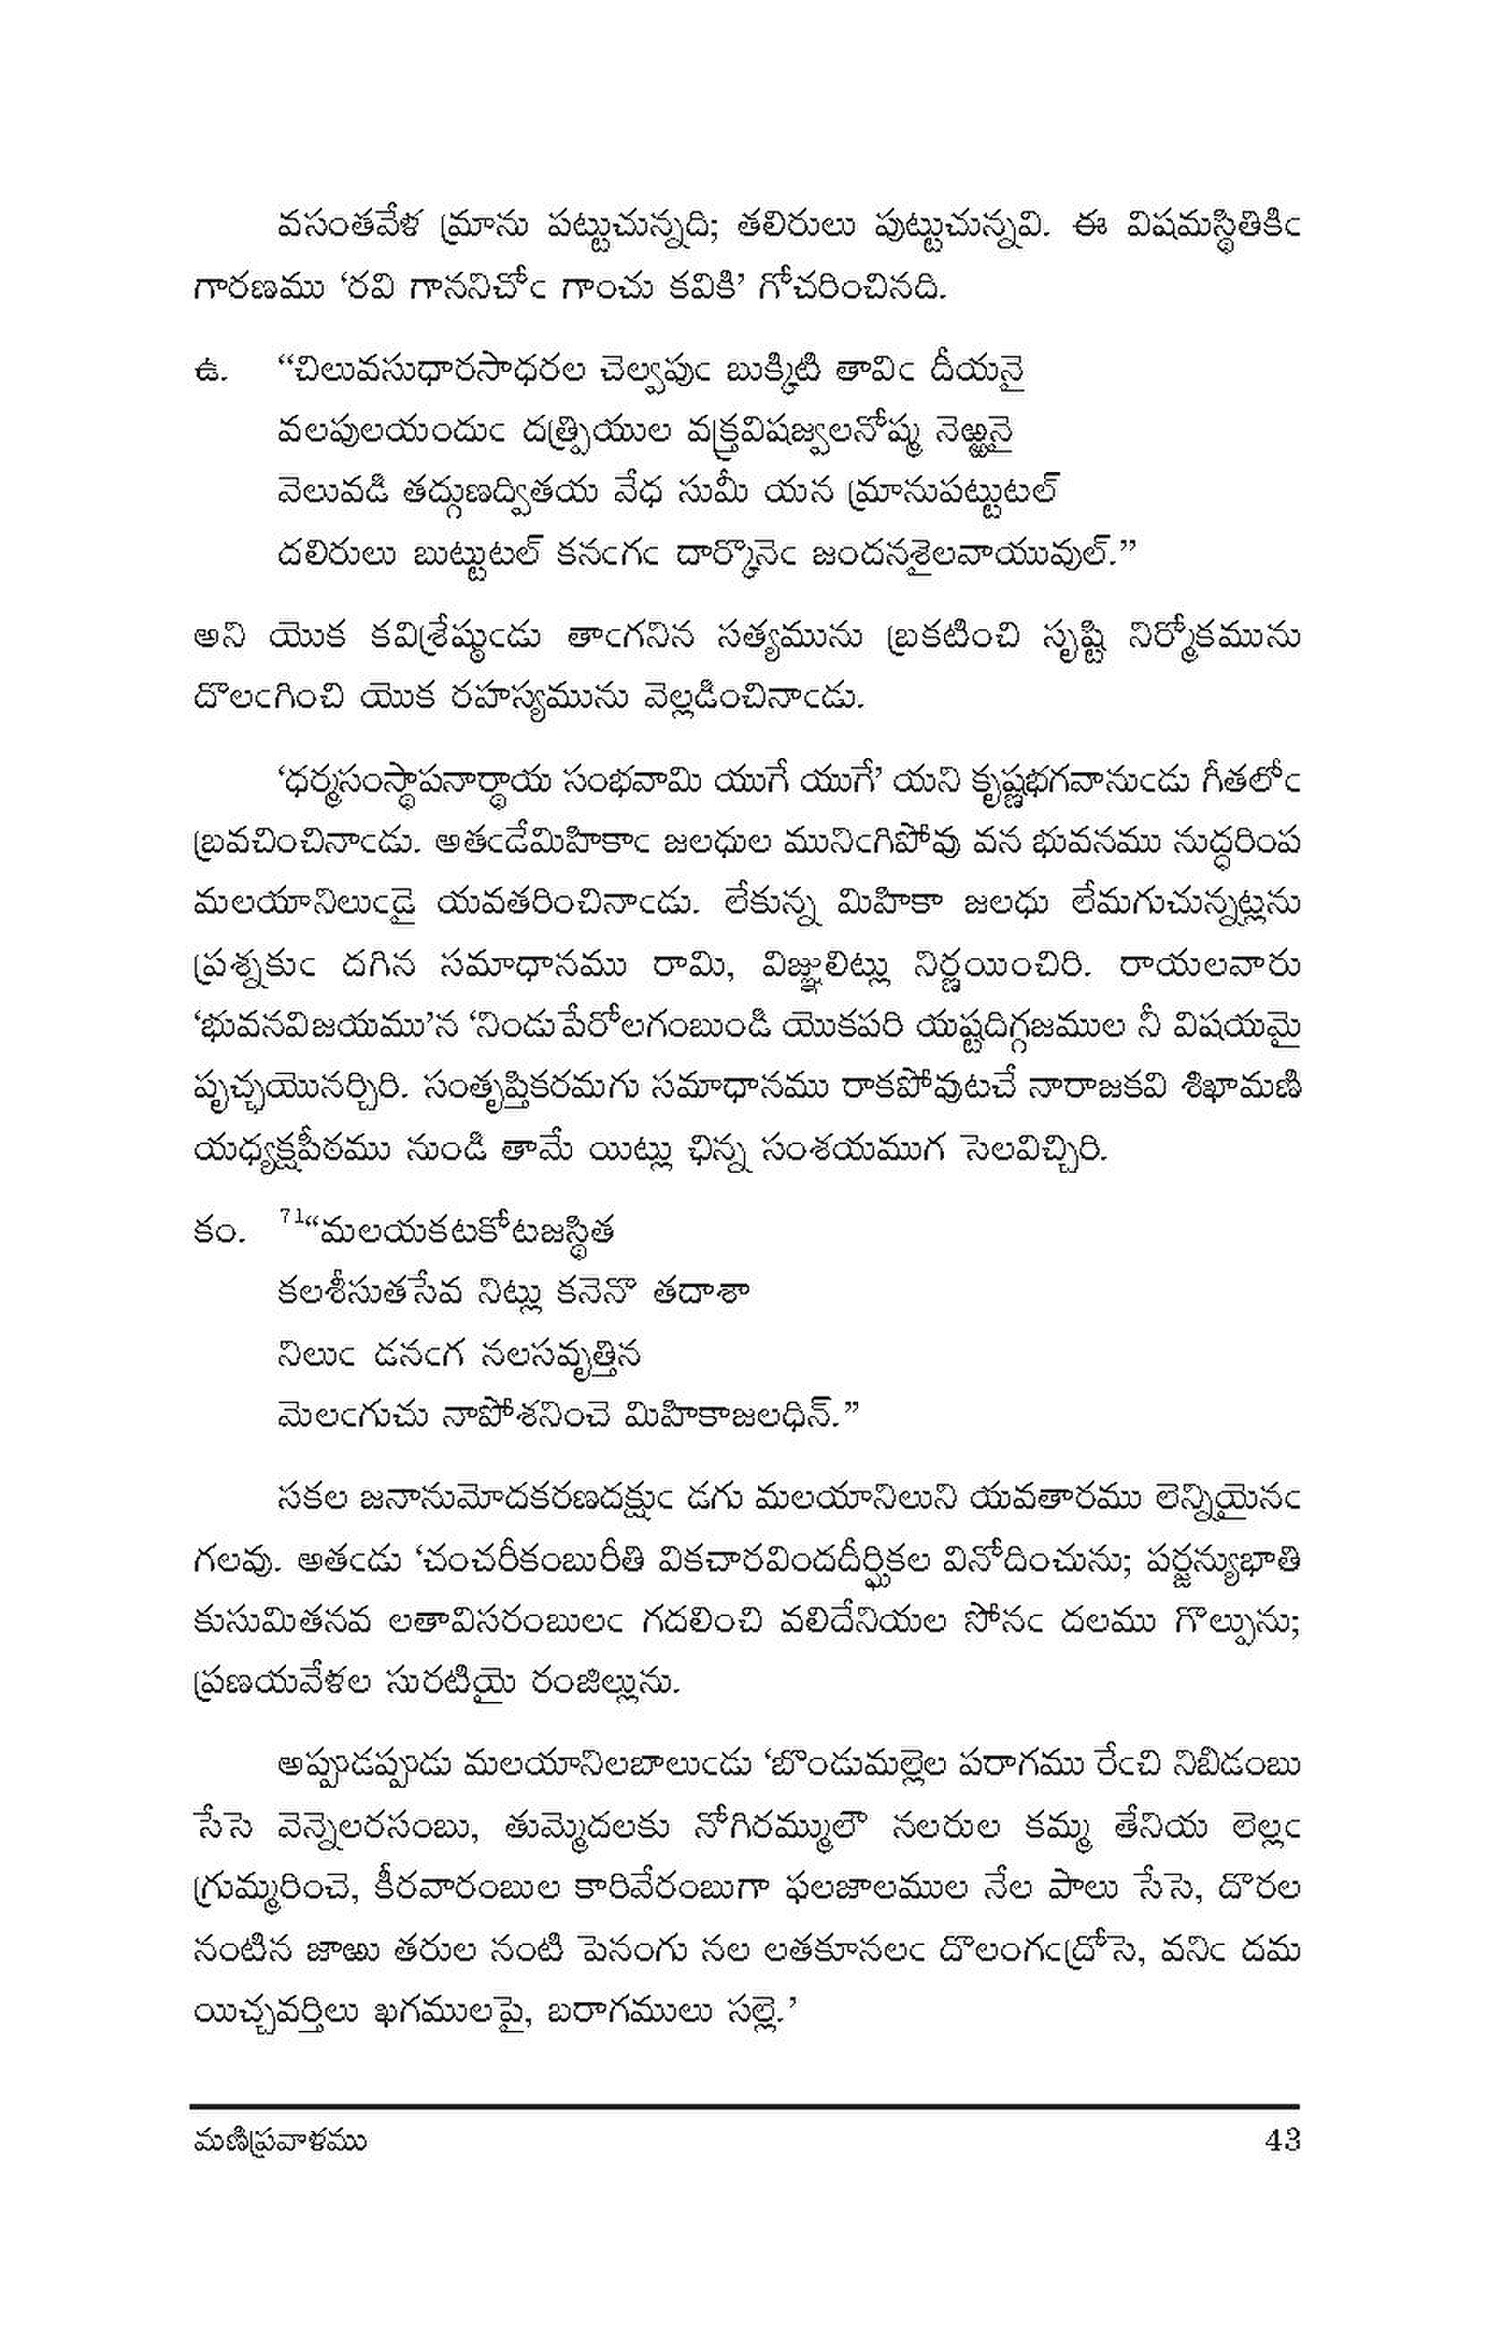వసంతవేళ మ్రాను పట్టుచున్నది; తలిరులు పుట్టుచున్నవి. ఈ విషమస్థితికిఁ
గారణము 'రవి గాననిచోఁ గాంచు కవికి' గోచరించినది.

ఉ. “చిలువసుధారసాధరల చెల్వపుఁ బుక్కిటి తావిఁ దీయనై
 వలపులయందుఁ దత్ప్రియుల వక్త్రవిషజ్వలనోష్మ నెఱ్ఱనై
 వెలువడి తద్గుణద్వితయ వేధ సుమీ యన మ్రానుపట్టుటల్
 దలిరులు బుట్టుటల్ కనఁగఁ దార్కొనెఁ జందనశైలవాయువుల్.”

అని యొక కవిశ్రేష్ఠుఁడు తాఁగనిన సత్యమును బ్రకటించి సృష్టి నిర్మోకమును
దొలఁగించి యొక రహస్యమును వెల్లడించినాఁడు.

'ధర్మసంస్థాపనార్థాయ సంభవామి యుగే యుగే యని కృష్ణభగవానుఁడు గీతలోఁ
బ్రవచించినాఁడు. అతఁడేమిహికాఁ జలధుల మునిఁగిపోవు వన భువనము నుద్ధరింప
మలయానిలుఁడై యవతరించినాఁడు. లేకున్న మిహికా జలధు లేమగుచున్నట్లను
ప్రశ్నకుఁ దగిన సమాధానము రామి, విజ్ఞులిట్లు నిర్ణయించిరి. రాయలవారు
‘భువనవిజయము’న ‘నిండుపేరోలగంబుండి యొకపరి యష్టదిగ్గజముల నీ విషయమై
పృచ్ఛయొనర్చిరి. సంతృప్తికరమగు సమాధానము రాకపోవుటచే నారాజకవి శిఖామణి
యధ్యక్షపీఠము నుండి తామే యిట్లు ఛిన్న సంశయముగ సెలవిచ్చిరి.

కం. "మలయకటకోటజస్థిత
 కలశీసుతసేవ నిట్లు కనెనొ తదాశా
 నిలుఁ డనఁగ నలసవృత్తిన
 మెలఁగుచు నాపోశనించె మిహికాజలధిన్.”

సకల జనానుమోదకరణదక్షుఁ డగు మలయానిలుని యవతారము లెన్నియైనఁ
గలవు. అతఁడు 'చంచరీకంబురీతి వికచారవిందదీర్షికల వినోదించును; పర్జన్యుభాతి
కుసుమితనవ లతావిసరంబులఁ గదలించి వలిదేనియలు సోనఁ దలము గొల్పును;
ప్రణయవేళల సురటియై రంజిల్లును.

అప్పుడప్పుడు మలయానిలబాలుఁడు 'బొండుమల్లెల పరాగము రేఁచి నిబిడంబు
సేసె వెన్నెలరసంబు, తుమ్మెదలకు నోగిరమ్ములౌ నలరుల కమ్మ తేనియ లెల్లఁ
గ్రుమ్మరించె, కీరవారంబుల కారివేరంబుగా ఫలజాలముల నేల పాలు సేసె, దొరల
నంటిన జాఱు తరుల నంటి పెనంగు నల లతకూనలఁ దొలంగఁద్రోసె, వనిఁ దమ
యిచ్ఛవర్తిలు ఖగములపై, బరాగములు సల్లె.'